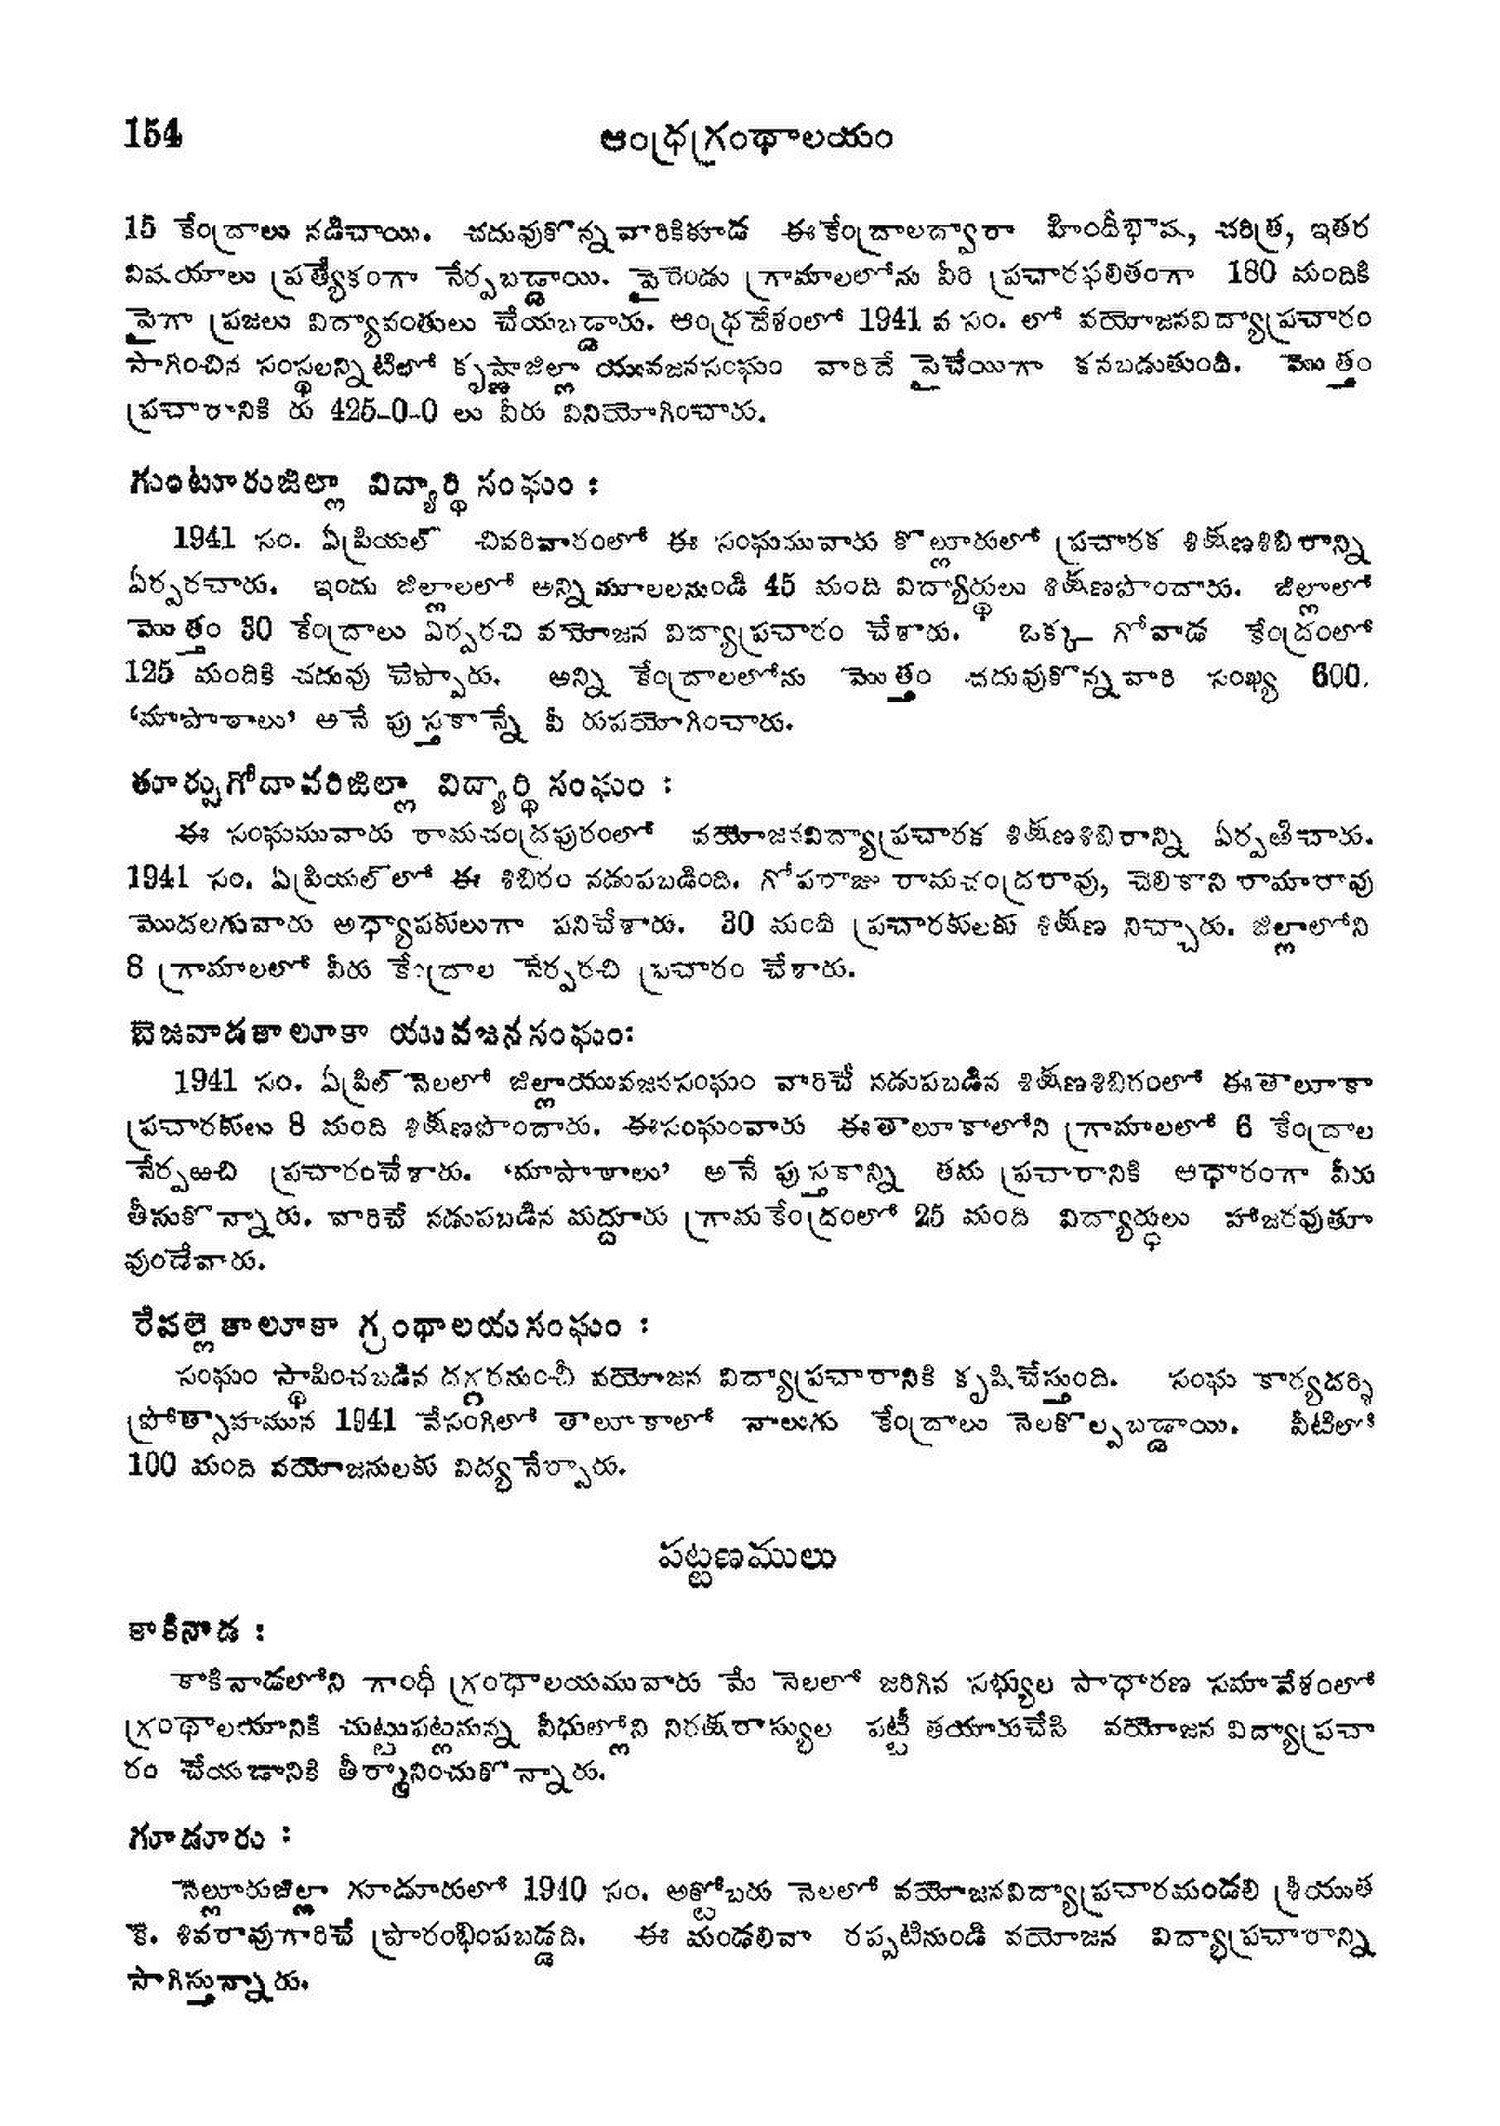15 కేంద్రాలు నడిచాయి. చదువుకొన్న వారికికూడ ఈ కేంద్రాలద్వారా హిందీభాష, చరిత్ర, ఇతర విషయాలు ప్రత్యేకంగా 
నేర్పబడ్డాయి. పైరెండు గ్రామాలలోను వీరి ప్రచారఫలితంగా 180 మందికి పైగా ప్రజలు విద్యావంతులు చేయబడ్డారు. 
ఆంధ్రదేశంలో 1941 వ సం. లో వయోజనవిద్యాప్రచారం సాగించిన సంస్థలన్నిటిలో కృష్ణాజిల్లా యువజనసంఘం వారిదే 
పైచేయిగా కనబడుతుంది. ప్రచారానికి రు 425-0-0 లు వీరు వినియోగించారు.

గుంటూరుజిల్లా విద్యార్థి సంఘం :

1941 సం. ఏప్రియల్ చివరివారంలో ఈ సంఘమువారు కొల్లూరులో ప్రచారక శిక్షణ శిబిరాన్ని ఏర్పరచారు. ఇందు జిల్లాలలో అన్ని మూలల నుండి 45 మంది విద్యార్థులు శిక్షణపొందారు. జిల్లాలో మొత్తం 30 కేంద్రాలు ఏర్పరచి వయోజన విద్యాప్రచారం చేశారు. 
ఒక్క గోవాడ కేంద్రంలో 125 మందికి చదువు చెప్పారు. అన్ని కేంద్రాలలోను మొత్తం చదువుకొన్న వారి సంఖ్య 600. ‘మాపాఠాలు' 
అనే పుస్తకాన్నే వీరుపయోగించారు.

తూర్పుగోదావరిజిల్లా విద్యార్థి సంఘం :

ఈ సంఘమువారు రామచంద్రపురంలో వయోజనవిద్యా ప్రచారక శిక్షణ శిబిరాన్ని ఏర్పణిచారు. 1941 సం. ఏప్రియల్ లో ఈ 
శిబిరం నడుపబడింది. గోపరాజు రామచంద్రరావు, చెలికాని రామారావు మొదలగువారు అధ్యాపకులుగా పనిచేశారు. 30 మంది ప్రచారకులకు శిక్షణ నిచ్చారు. జిల్లాలోని 8 గ్రామాలలో వీరు కేంద్రాల నేర్పరచి ప్రచారం చేశారు.

బెజవాడతాలూకా యువజన సంఘం:

1941 సం. ఏప్రిల్ నెలలో జిల్లా యువజన సంఘం వారిచే నడుపబడిన శిక్షణ శిబిరంలో ఈతాలూకా ప్రచారకులు 8 మంది శిక్షణపొందారు. ఈ సంఘంవారు ఈతాలూకాలోని గ్రామాలలో 6 కేంద్రాల నేర్పఱచి ప్రచారంచేశారు. 'పాఠాలు' అనే పుస్తకాన్ని
తమ ప్రచారానికి ఆధారంగా వీరు తీసుకొన్నారు. వారిచే నడుపబడిన మద్దూరు గ్రామ కేంద్రంలో 25 మంది విద్యార్థులు హాజరవుతూ
వుండేవారు.

రేపల్లె తాలూకా గ్రంథాలయ సంఘం :

సంఘం స్థాపించబడిన దగ్గరనుంచీ వయోజన విద్యాప్రచారానికి కృషి చేస్తుంది. సంఘ కార్యదర్శి ప్రోత్సాహమున 1841 “వేసంగిలో తాలూకాలో నాలుగు కేంద్రాలు నెలకొల్పబడ్డాయి. వీటిలోకి 100 మంది వయోజనులకు విద్యనేర్పారు.

కాకినాడ:

కాకినాడలోని గాంధీ గ్రంధాలయమువారు మే నెలలో జరిగిన సభ్యుల సాధారణ సమావేశంలో గ్రంథాలయానికి చుట్టుపట్లనున్న 
వీధుల్లోని నిరక్షరాస్యుల పట్టీ తయారుచేసి వయోజన విద్యాప్రచారం చేయడానికి తీర్మానించుకోన్నారు.

గూడూరు :

నెల్లూరుజిల్లా గూడూరులో 1910 సం. అక్టోబరు నెలలో వయోజనవిద్యాప్రచారమండలి శ్రీయుత కె. శివరావు గారిచే 
ప్రారంభింపబడ్డది. ఈ మండలివారప్పటినుండి వయోజన విద్యాప్రచారాన్ని సాగిస్తున్నారు.